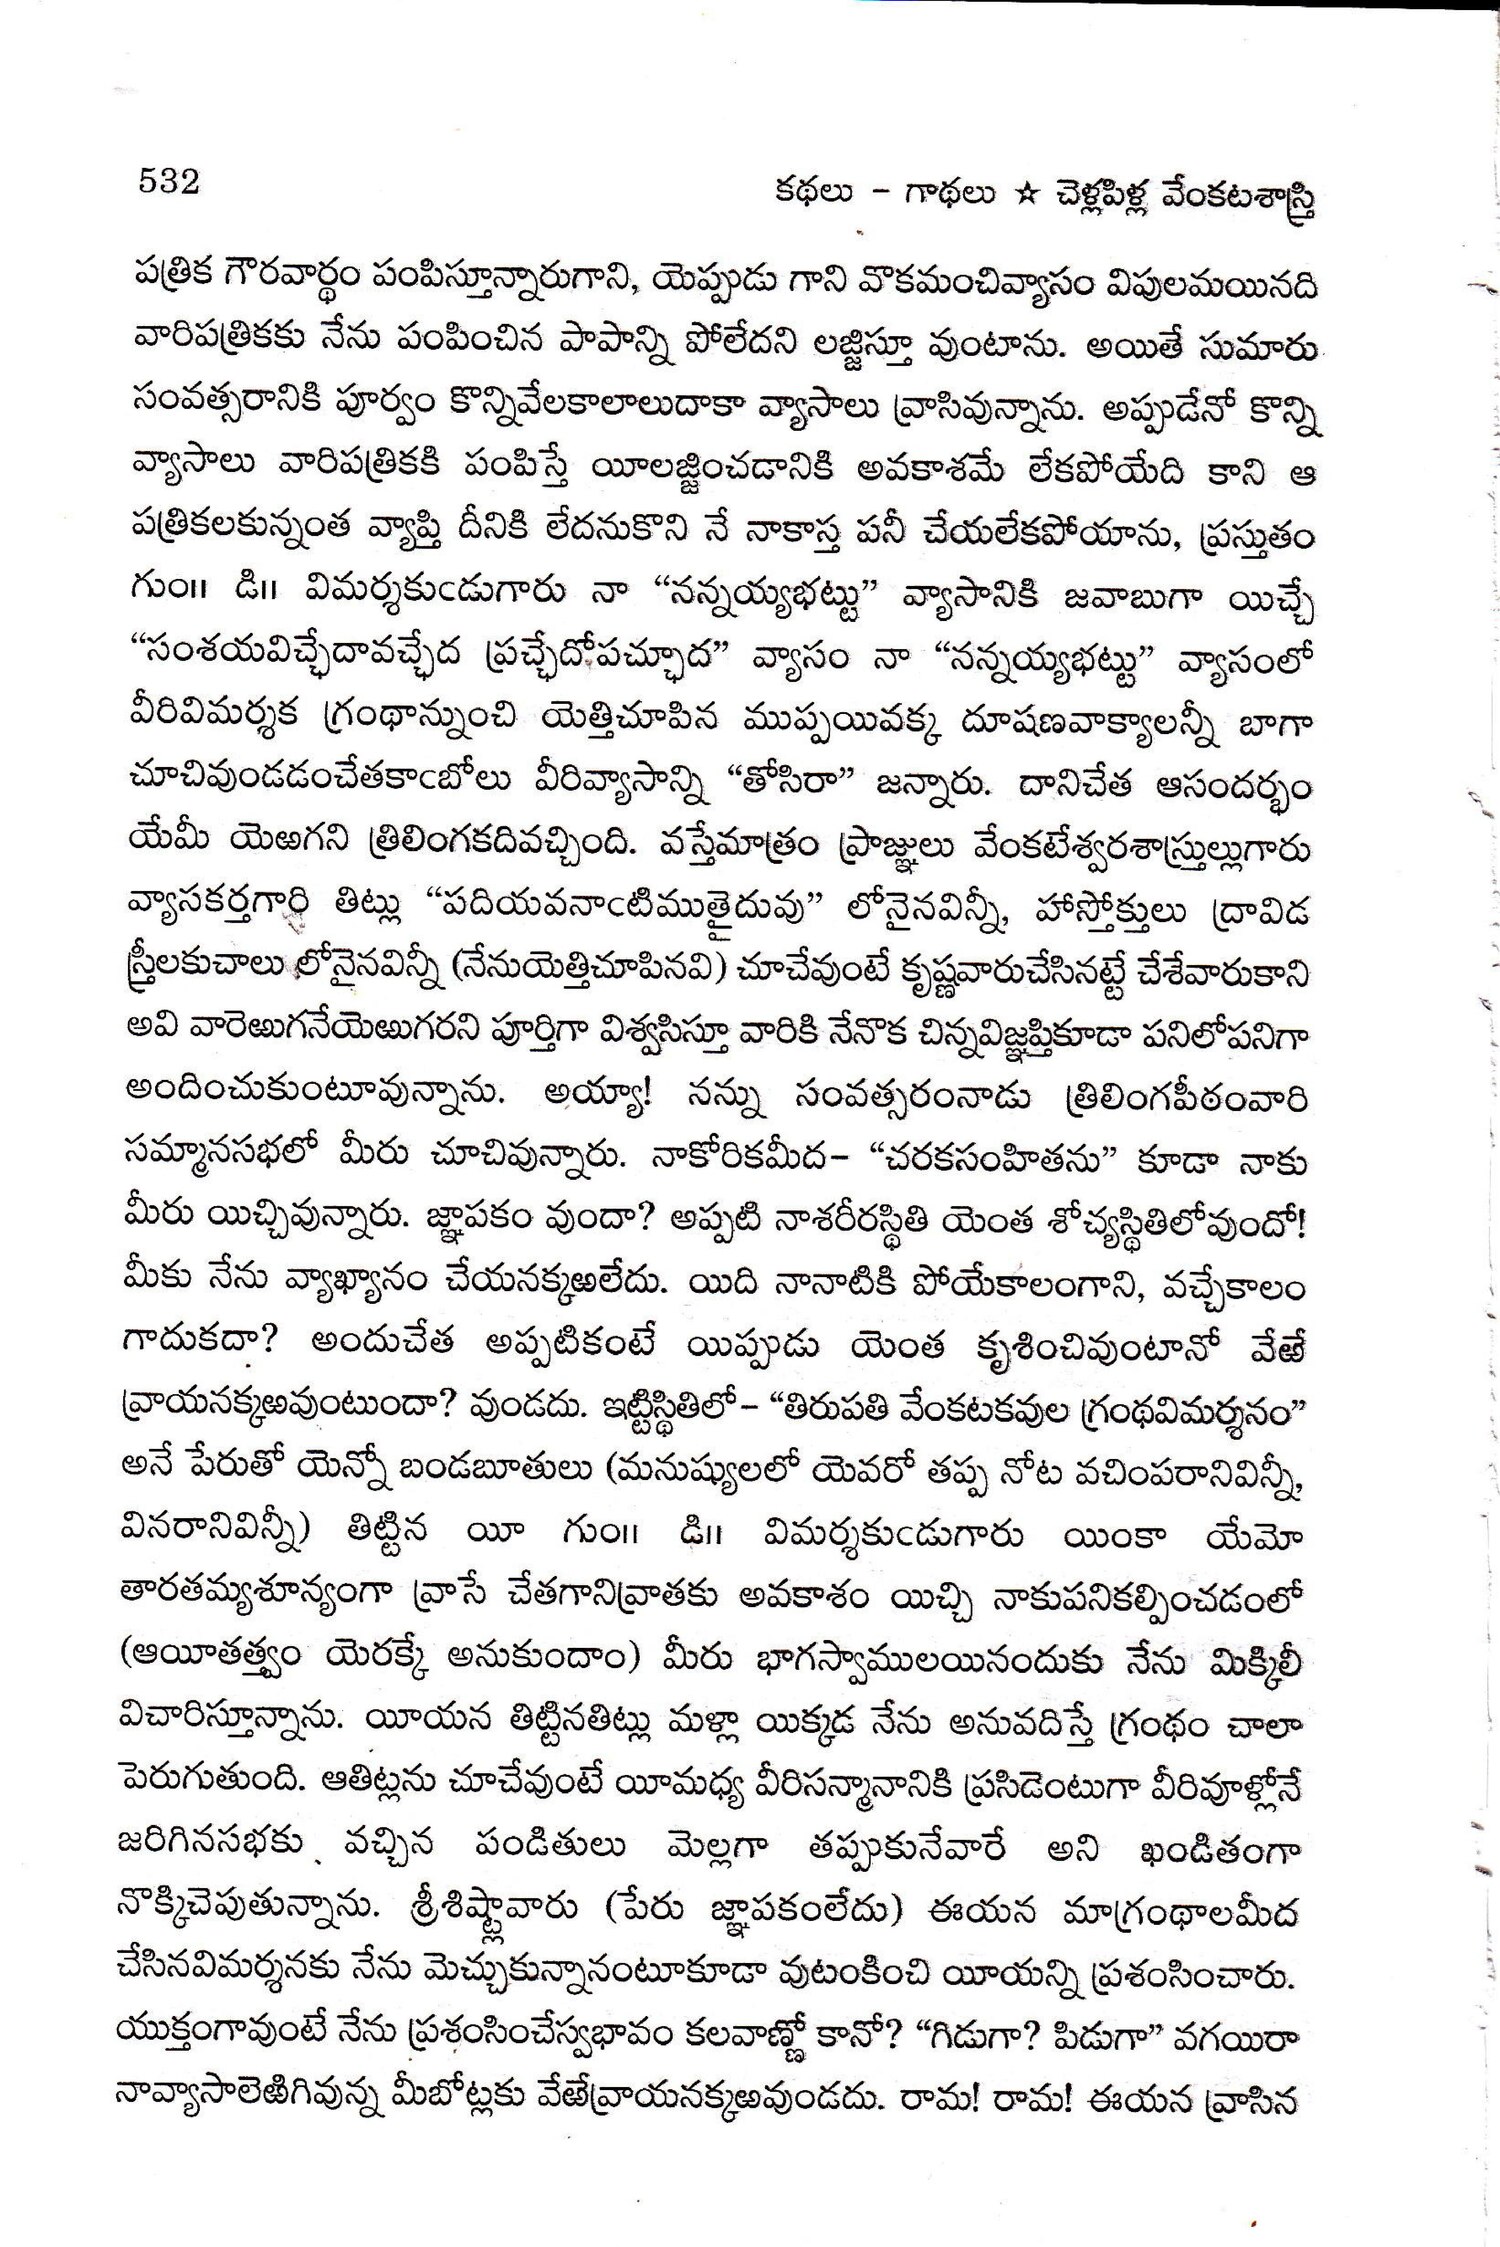పత్రిక గౌరవార్థం పంపిస్తూన్నారుగాని, యెప్పుడు గాని వొకమంచివ్యాసం విపులమయినది వారిపత్రికకు నేను పంపించిన పాపాన్ని పోలేదని లజ్జిస్తూ వుంటాను. అయితే సుమారు సంవత్సరానికి పూర్వం కొన్నివేలకాలాలుదాకా వ్యాసాలు వ్రాసివున్నాను. అప్పుడేనో కొన్ని వ్యాసాలు వారిపత్రికకి పంపిస్తే యీలజ్జించడానికి అవకాశమే లేకపోయేది కాని ఆ పత్రికలకున్నంత వ్యాప్తి దీనికి లేదనుకొని నే నాకాస్త పనీ చేయలేకపోయాను, ప్రస్తుతం గుం|| డి|| విమర్శకుఁడుగారు నా “నన్నయ్యభట్టు" వ్యాసానికి జవాబుగా యిచ్చే “సంశయవిచ్ఛేదావచ్ఛేద ప్రచ్ఛేదోపచ్చూద" వ్యాసం నా “నన్నయ్యభట్టు" వ్యాసంలో వీరివిమర్శక గ్రంథాన్నుంచి యెత్తిచూపిన ముప్పయివక్క దూషణవాక్యాలన్నీ బాగా చూచివుండడంచేతకాఁబోలు వీరివ్యాసాన్ని “తోసిరా" జన్నారు. దానిచేత ఆసందర్భం యేమీ యెఱగని త్రిలింగకదివచ్చింది. వస్తేమాత్రం ప్రాజ్ఞులు వేంకటేశ్వరశాస్త్రుల్లుగారు వ్యాసకర్తగారి తిట్లు “పదియవనాఁటిముతైదువు" లోనైనవిన్నీ హాస్తోక్తులు ద్రావిడ స్త్రీలకుచాలు లోనైనవిన్నీ (నేనుయెత్తిచూపినవి) చూచేవంటే కృష్ణవారుచేసినట్టే చేశేవారుకాని అవి వారెఱుగనేయెఱుగరని పూర్తిగా విశ్వసిస్తూ వారికి నేనొక చిన్నవిజ్ఞప్తికూడా పనిలోపనిగా అందించుకుంటూవున్నాను. అయ్యా! నన్ను సంవత్సరంనాడు త్రిలింగపీఠంవారి సమ్మానసభలో మీరు చూచివున్నారు. నాకోరికమీద– “చరకసంహితను" కూడా నాకు మీరు యిచ్చివున్నారు. జ్ఞాపకం వుందా? అప్పటి నాశరీరస్థితి యెంత శోచ్యస్థితిలోవుందో మీకు నేను వ్యాఖ్యానం చేయనక్కఱలేదు. యిది నానాటికి పోయేకాలంగాని, వచ్చేకాలం గాదుకదా? అందుచేత అప్పటికంటే యిప్పుడు యెంత కృశించివుంటానో వేఱే వ్రాయనక్కఱవుంటుందా? వుండదు. ఇట్టిస్థితిలో- “తిరుపతి వేంకటకవుల గ్రంథవిమర్శనం" అనే పేరుతో యెన్నో బండబూతులు (మనుష్యులలో యెవరో తప్ప నోట వచింపరానివిన్నీ వినరానివిన్నీ) తిట్టిన యీ గుం|| డి|| విమర్శకుఁడుగారు యింకా యేమో తారతమ్యశూన్యంగా వ్రాసే చేతగానివ్రాతకు అవకాశం యిచ్చి నాకుపనికల్పించడంలో (ఆయీతత్త్వం యెరక్కే అనుకుందాం) మీరు భాగస్వాములయినందుకు నేను మిక్కిలీ విచారిస్తూన్నాను. యీయన తిట్టినతిట్లు మళ్లా యిక్కడ నేను అనువదిస్తే గ్రంథం చాలా పెరుగుతుంది. ఆతిట్లను చూచేవుంటే యీమధ్య వీరిసన్మానానికి ప్రసిడెంటుగా వీరివూళ్లోనే జరిగినసభకు వచ్చిన పండితులు మెల్లగా తప్పుకునేవారే అని ఖండితంగా నొక్కిచెపుతున్నాను. శ్రీశిష్ట్లావారు (పేరు జ్ఞాపకంలేదు) ఈయన మాగ్రంథాలమీద చేసినవిమర్శనకు నేను మెచ్చుకున్నానంటూకూడా వుటంకించి యీయన్ని ప్రశంసించారు. యుక్తంగావుంటే నేను ప్రశంసించేస్వభావం కలవాణ్ణో కానో? "గిడుగా? పిడుగా" వగయిరా నావ్యాసాలెఱిగివున్న మీబోట్లకు వేఱేవ్రాయనక్కఱవుండదు. రామ! రామ! ఈయన వ్రాసిన